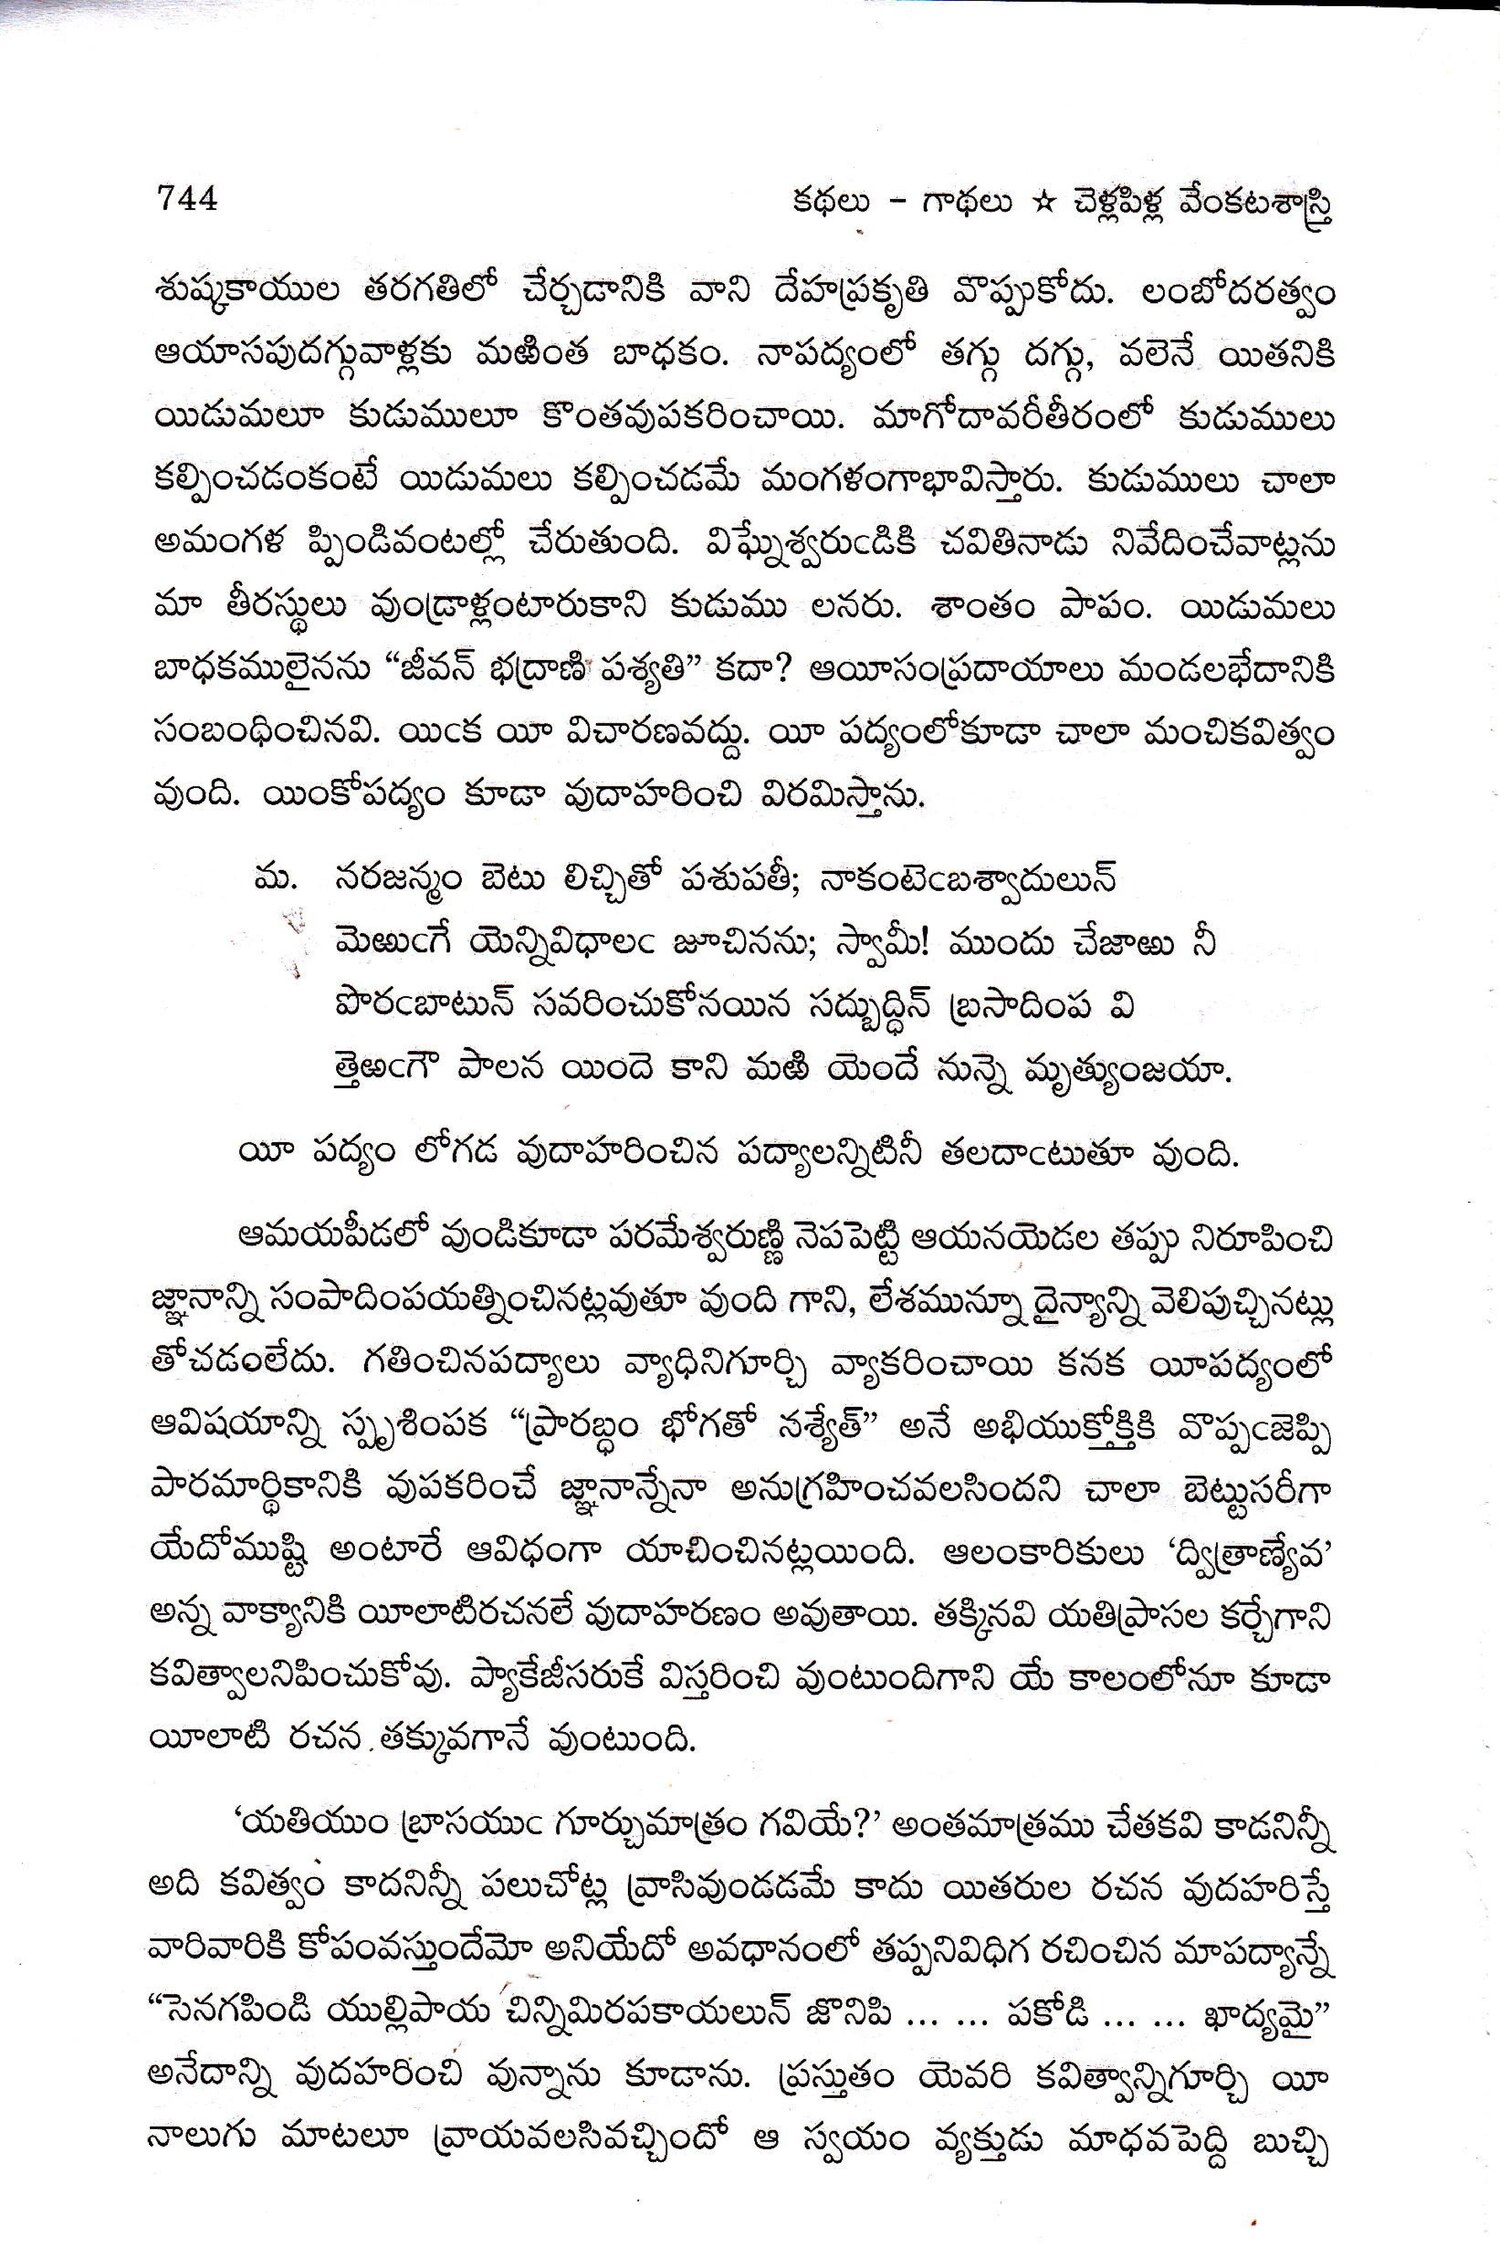శుష్కకాయుల తరగతిలో చేర్చడానికి వాని దేహప్రకృతి వొప్పుకోదు. లంబోదరత్వం ఆయాసపుదగ్గువాళ్లకు మఱింత బాధకం. నాపద్యంలో తగ్గు దగ్గు, వలెనే యితనికి యిడుమలూ కుడుములూ కొంతవుపకరించాయి. మాగోదావరీతీరంలో కుడుములు కల్పించడంకంటే యిడుమలు కల్పించడమే మంగళంగాభావిస్తారు. కుడుములు చాలా అమంగళ ప్పిండివంటల్లో చేరుతుంది. విఘ్నేశ్వరుఁడికి చవితినాడు నివేదించేవాట్లను మా తీరస్థులు వుండ్రాళ్లంటారుకాని కుడుము లనరు. శాంతం పాపం. యిడుమలు బాధకములైనను “జీవన్ భద్రాణి పశ్యతి" కదా? ఆయీసంప్రదాయాలు మండలభేదానికి సంబంధించినవి. యిఁక యీ విచారణవద్దు. యీ పద్యంలోకూడా చాలా మంచికవిత్వం వుంది. యింకోపద్యం కూడా వుదాహరించి విరమిస్తాను.

మ. నరజన్మం బెటు లిచ్చితో పశుపతీ; నాకంటెఁబశ్వాదులున్ 
 మెఱుఁగే యెన్నివిధాలఁ జూచినను; స్వామీ! ముందు చేజాఱు నీ
 పొరఁబాటున్ సవరించుకోనయిన సద్బుద్ధిన్ బ్రసాదింప వి 
 తైఱఁగౌ పాలన యిందె కాని మఱి యెందే నున్నె మృత్యుంజయా.
యీ పద్యం లోగడ వుదాహరించిన పద్యాలన్నిటినీ తలదాఁటుతూ వుంది.

ఆమయపీడలో వుండికూడా పరమేశ్వరుణ్ణి నెపపెట్టి ఆయనయొడల తప్పు నిరూపించి జ్ఞానాన్ని సంపాదింపయత్నించినట్లవుతూ వుంది గాని, లేశమున్నూదైన్యాన్ని వెలిపుచ్చినట్లు తోచడంలేదు. గతించినపద్యాలు వ్యాధినిగూర్చి వ్యాకరించాయి కనక యీపద్యంలో ఆవిషయాన్ని స్పృశింపక "ప్రారబ్ధం భోగతో నశ్యేత్" అనే అభియుక్తోక్తికి వొప్పఁజెప్పి పారమార్థికానికి వుపకరించే జ్ఞానాన్నేనా అనుగ్రహించవలసిందని చాలా బెట్టుసరీగా యేదోముష్టి అంటారే ఆవిధంగా యాచించినట్లయింది. ఆలంకారికులు 'ద్విత్రాణ్యేవ' అన్న వాక్యానికి యీలాటిరచనలే వుదాహరణం అవుతాయి. తక్కినవి యతిప్రాసల కర్చేగాని కవిత్వాలనిపించుకోవు. ప్యాకేజీసరుకే విస్తరించి వుంటుందిగాని యే కాలంలోనూ కూడా యీలాటి రచన. తక్కువగానే వుంటుంది.

'యతియుం బ్రాసయుఁ గూర్చుమాత్రం గవియే?' అంతమాత్రము చేతకవి కాడనిన్నీ అది కవిత్వం కాదనిన్నీ పలుచోట్ల వ్రాసివుండడమే కాదు యితరుల రచన వుదహరిస్తే వారివారికి కోపంవస్తుందేమో అనియేదో అవధానంలో తప్పనివిధిగ రచించిన మాపద్యాన్నే "సెనగపిండి యుల్లిపాయ చిన్నిమిరపకాయలున్ జొనిపి ... ... పకోడి ... ... ఖాద్యమై” అనేదాన్ని వుదహరించి వున్నాను కూడాను. ప్రస్తుతం యెవరి కవిత్వాన్నిగూర్చి యీ నాలుగు మాటలూ వ్రాయవలసివచ్చిందో ఆ స్వయం వ్యక్తుడు మాధవపెద్ది బుచ్చి